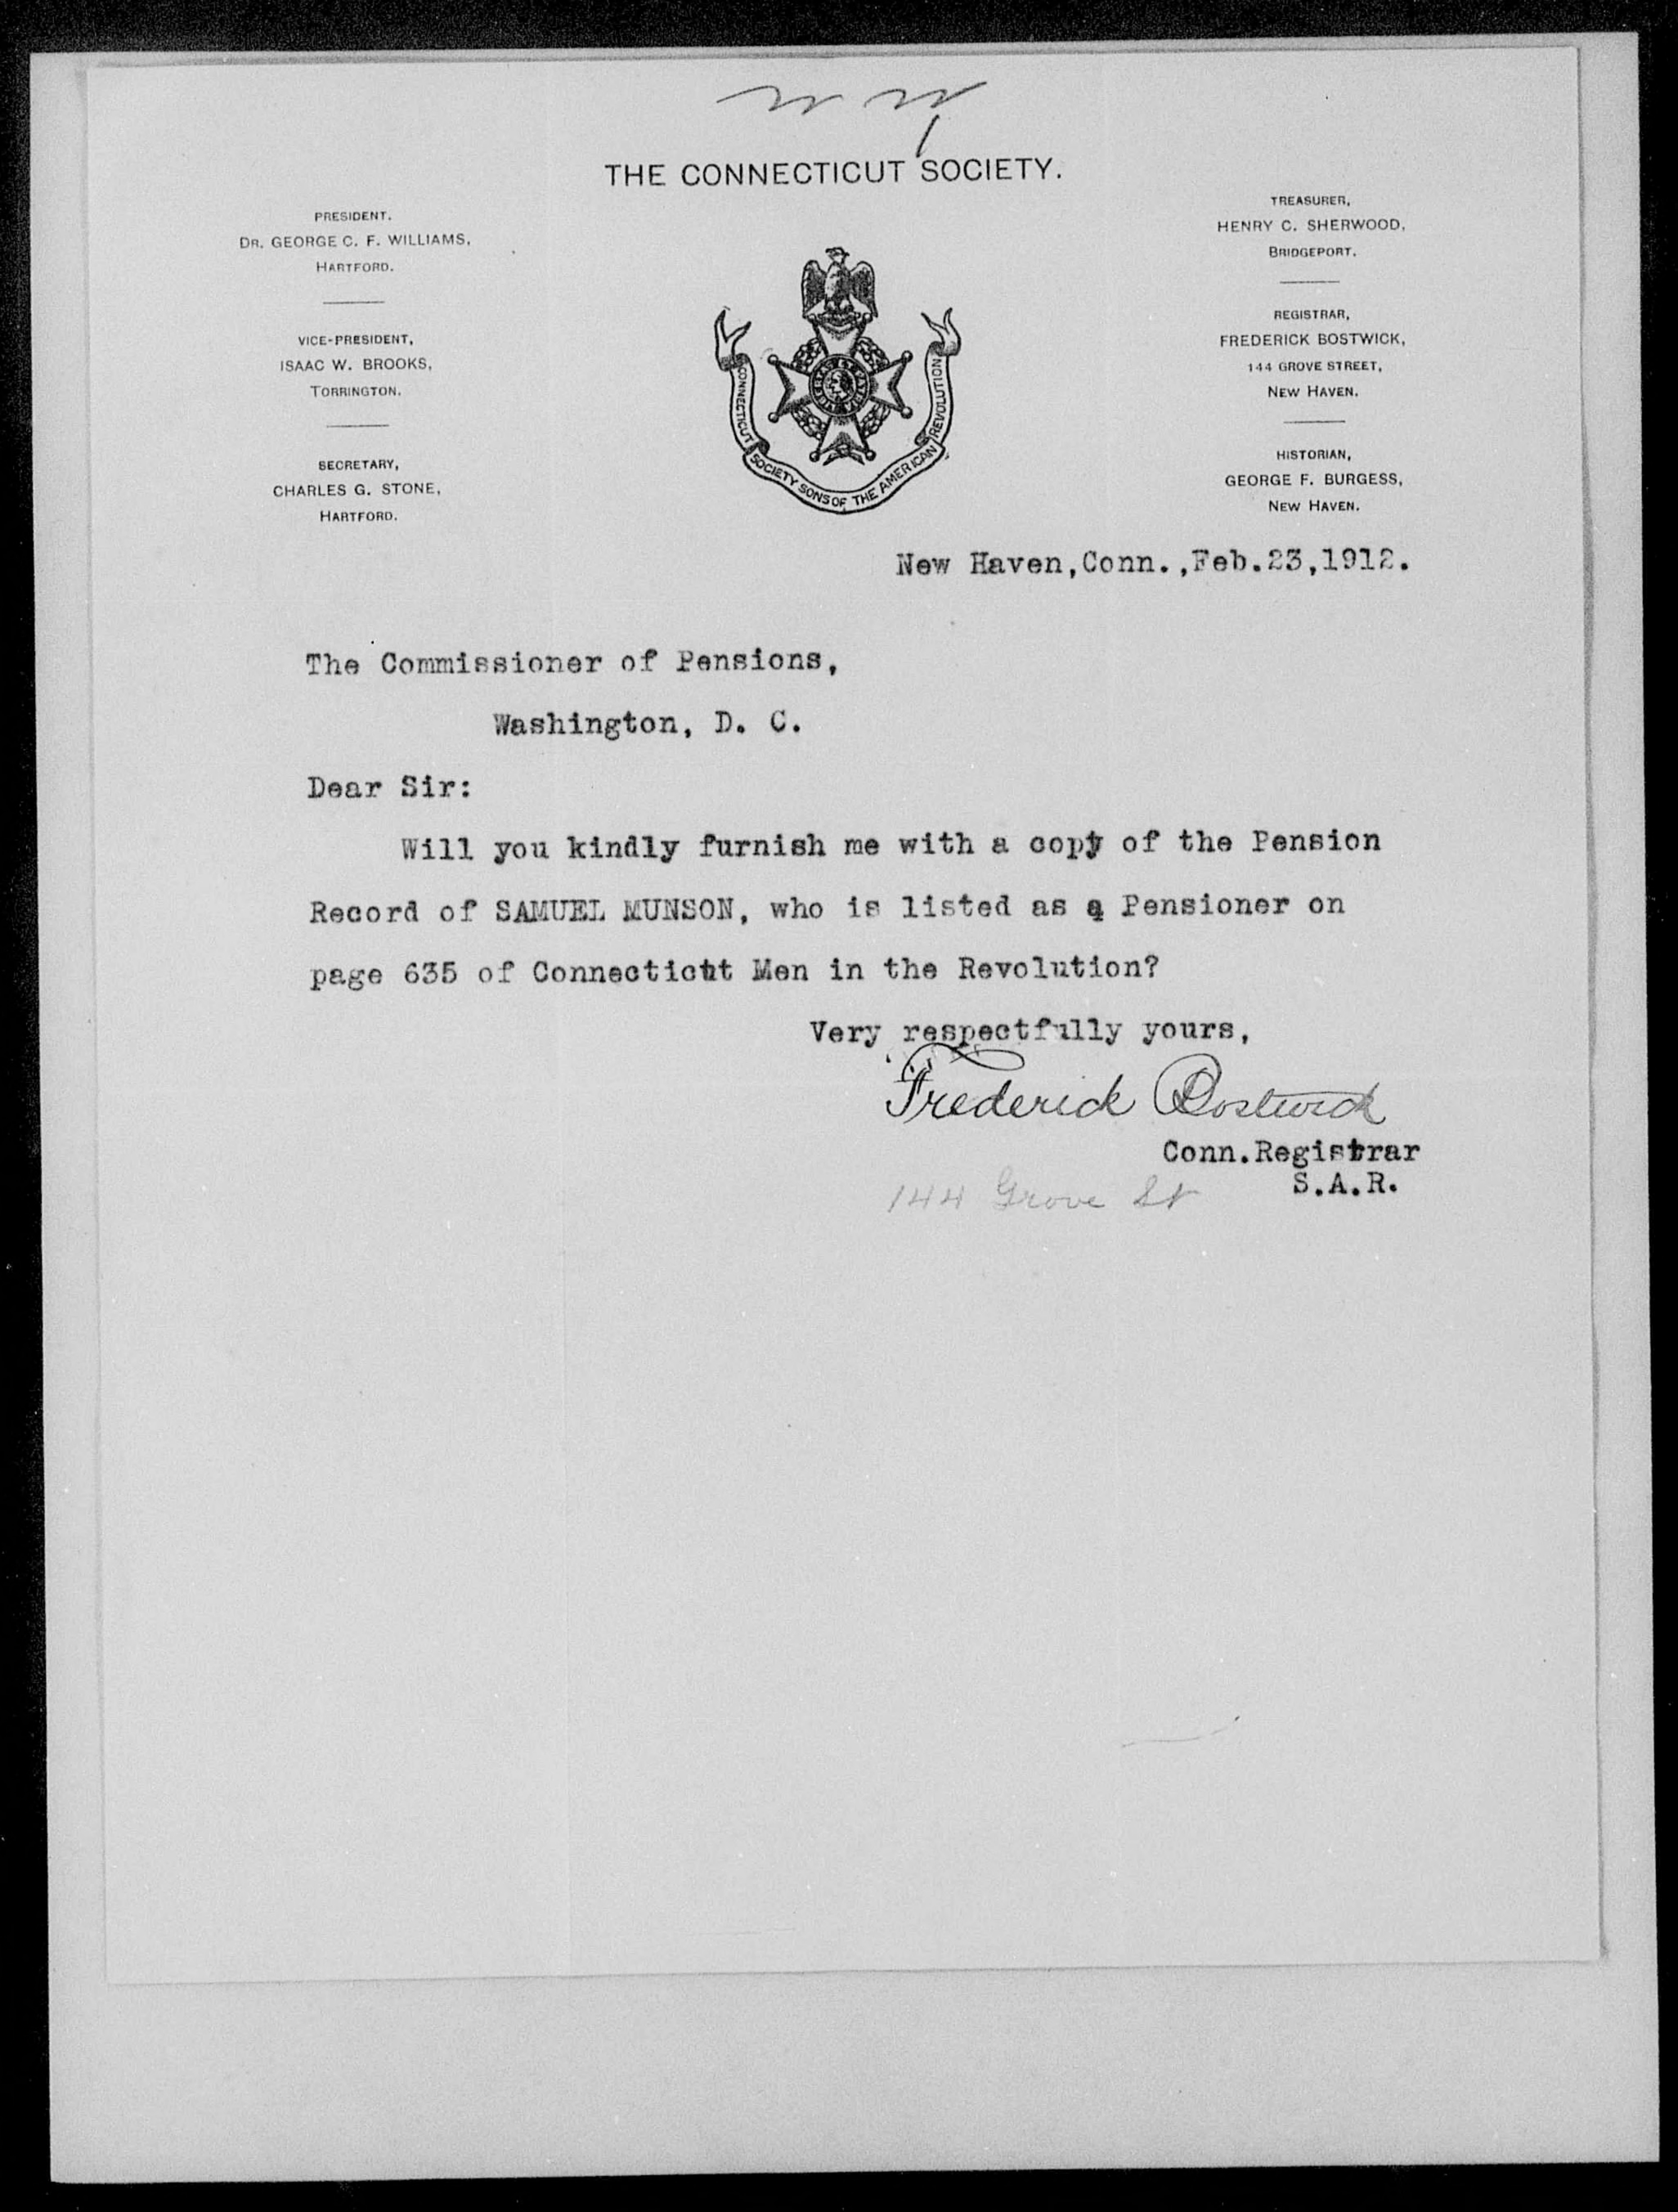THE CONNECTICUT SOCIETY. 
[stamp] THE CONNECTICUT SOCIETY SONS OF THE AMERICAN REVOLUTION
PRESIDENT. Dr. GEORGE C. F. WILLIAMS, HARTFORD. 
VICE-PRESIDENT. ISAAC W. BROOKS, TORRINGTON. 
SECRETARY CHARLES G. STONE, HARTFORD. 
TREASURER. HENRY C. SHERWOOD. BRIDGEPORT. 
REGISTRAR, FREDERICK BOSTWICK, 144 GROVE STREET. NEW HAVEN.
 HISTORIAN. GEORGE F. BURGESS, NEW HAVEN. 
New Haven, Conn., Feb. 23, 1912.
The Commissioner of Pensions, 
Washington, D. C. 
Dear Sir: 
Will you kindly furnish me with a copy of the Pension Record of SAMUEL MUNSON, who is listed as a Pensioner on page 635 of Connecticut Men in the Revolution? 
Very respectfully yours, 
Frederick Bostwick 
Conn. Registrar 
S. A. R. 
144 Grove St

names: Charles G Stone; George F Burgess; George C F Williams; Isaac W Brooks; Frederick Bostwick; Samuel Munson; Henry C Sherwood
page: 72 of 73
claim: widow's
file: W. 2338, for Joseph P Peters, Connecticut